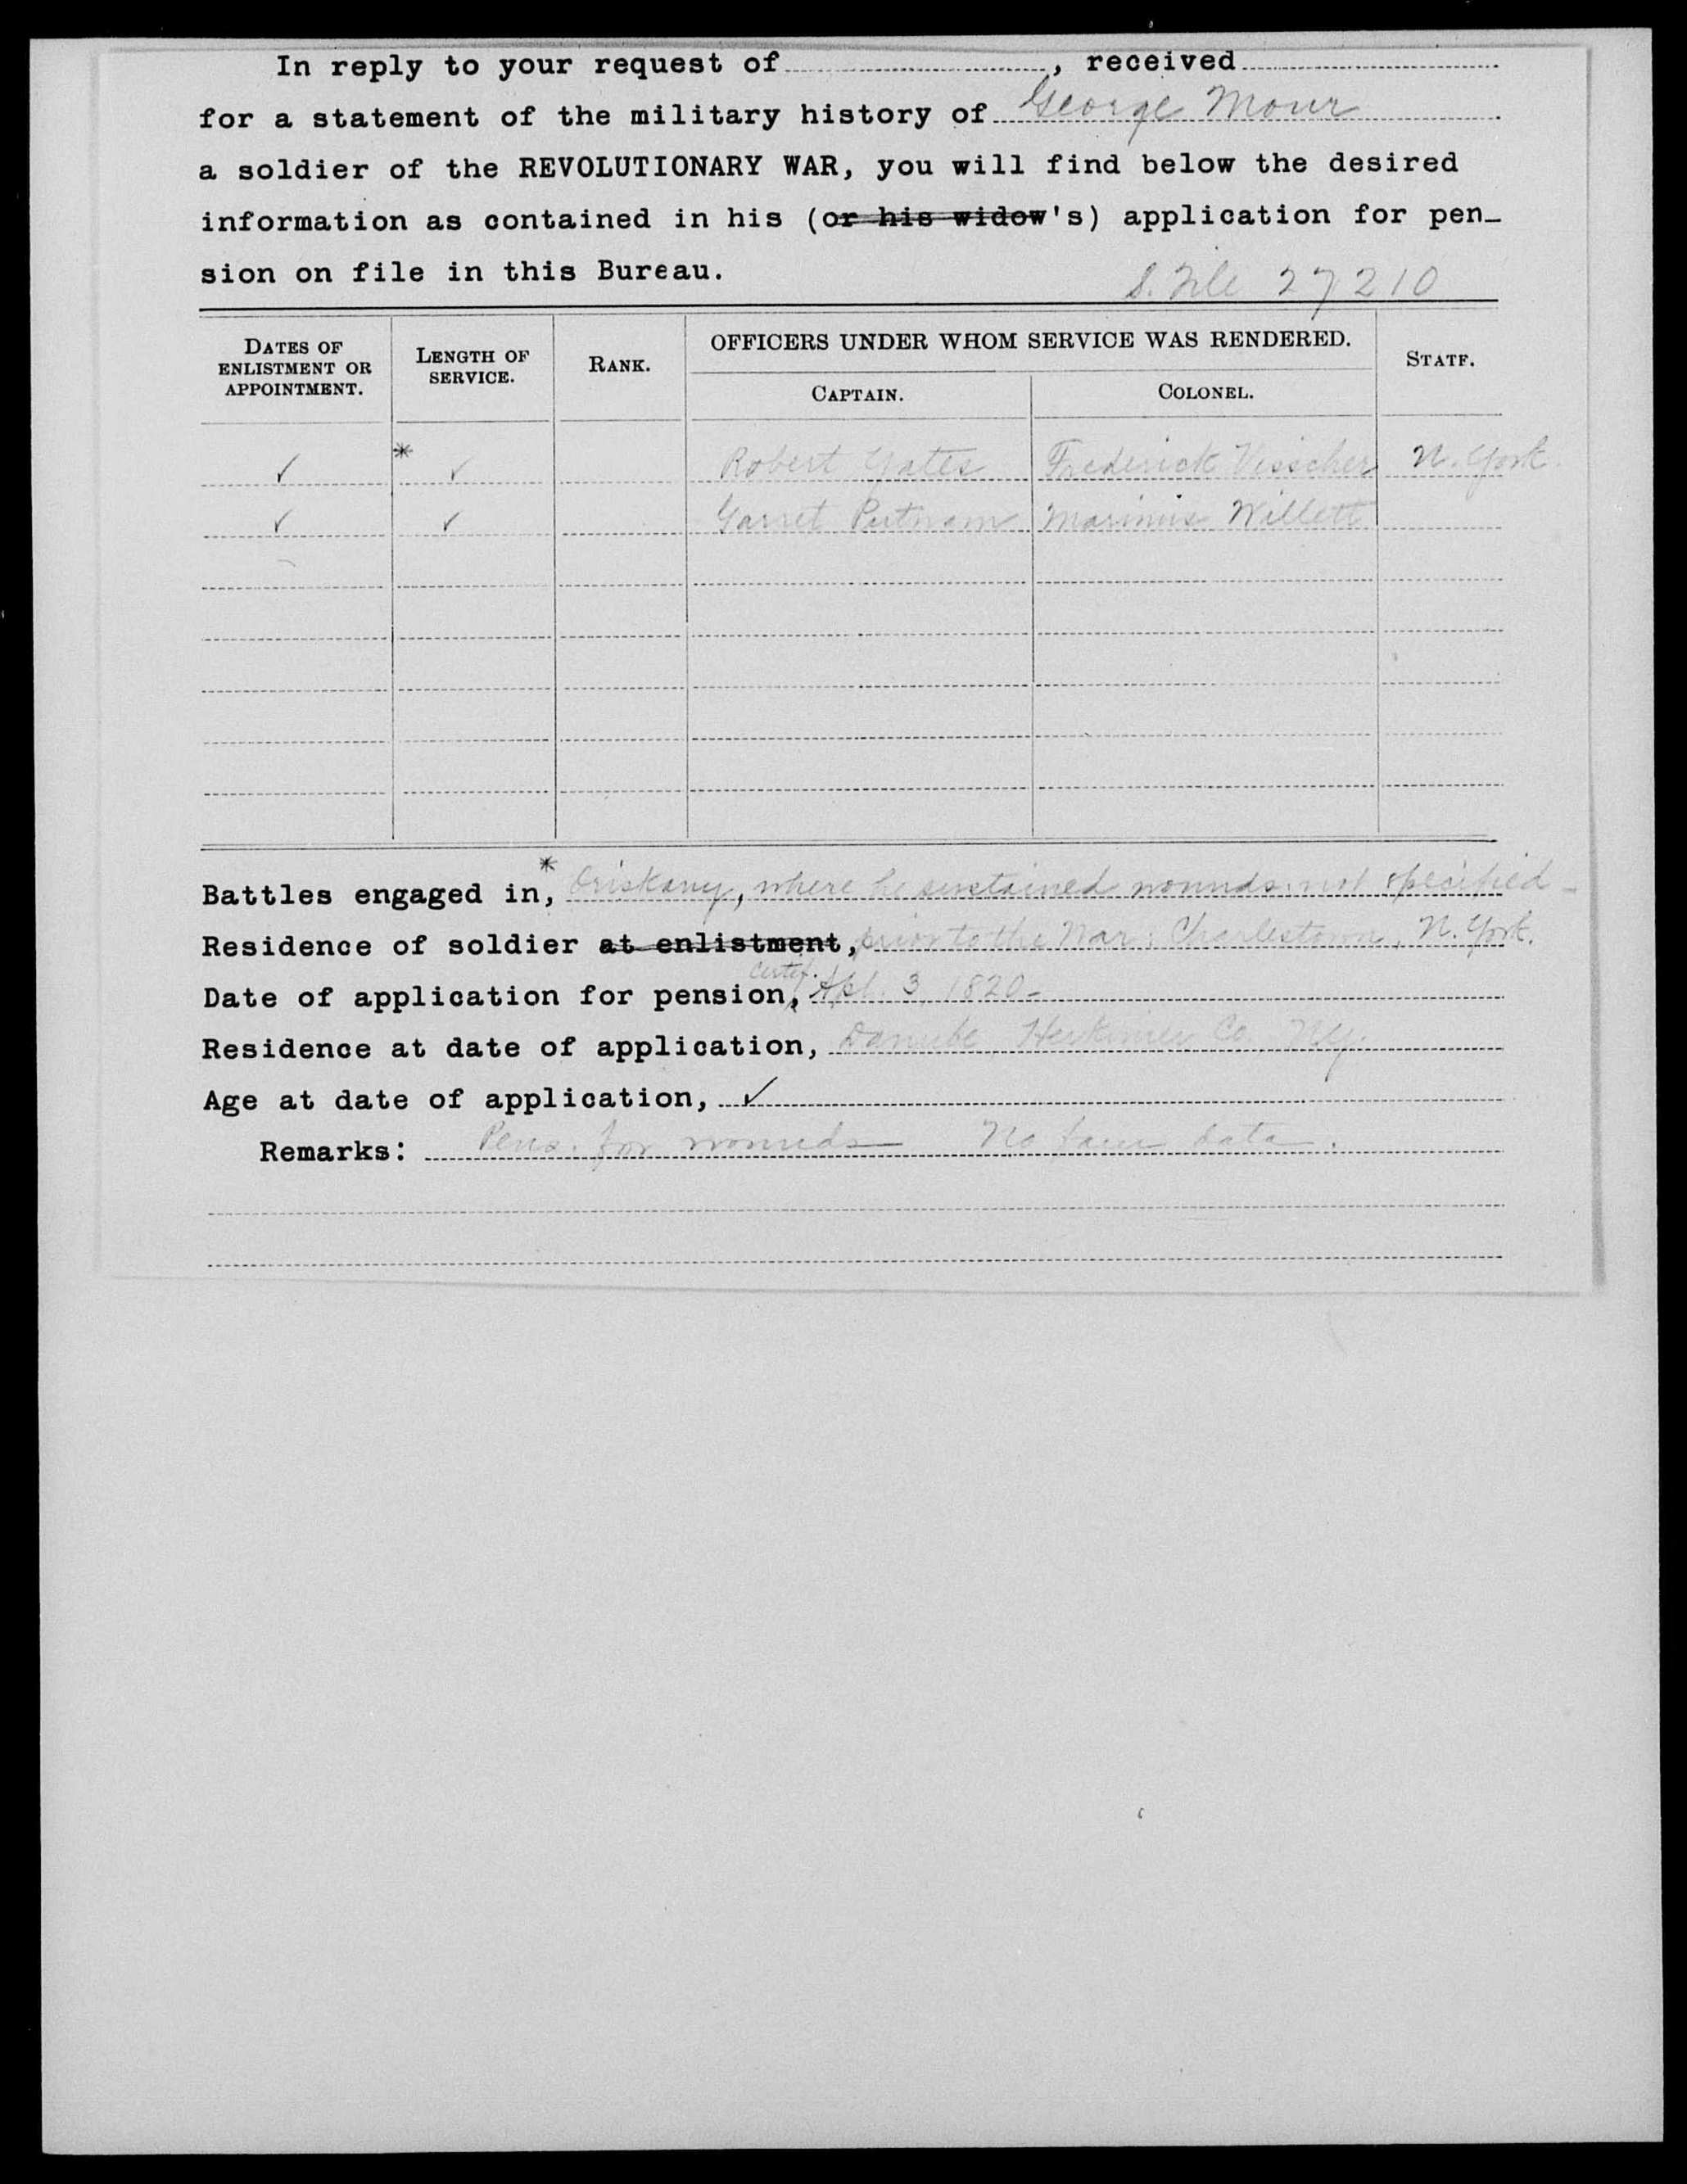In reply to your request of _______, received _________ for a statement of the military history of George Mour a soldier of the REVOLUTIONARY WAR, you will find below the desired information as contained in his application for pension on file in this Bureau.
S. File 27210

Dates of Enlistment or Appointment | Length of Service | Rank | Officers Under Whom Service was Rendered | State
√ | * √ | [blank] | Captain Robert Yates, Colonel Frederick Visscher | N. York
√ | √ | [blank] | Captain Garret Putnam, Colonel Marinus Willett | [blank]

Battles engaged in: * Oriskany, where he sustained wounds not specified.
Residence of soldier: prior to the War, Charlestown, N. York.
Date of application for pension: Certif. Act 3 1820.
Residence at date of application: Danube Herkimer Co. N.Y.
Age at date of application: √
Remarks: Pens. for wound. No [illegible] data.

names: Marinus Willett; Garret Putnam; Frederick Visscher; George Mour; Robert Yates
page: 11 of 11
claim: survivor's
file: S. 27,210, for George Mour, New York